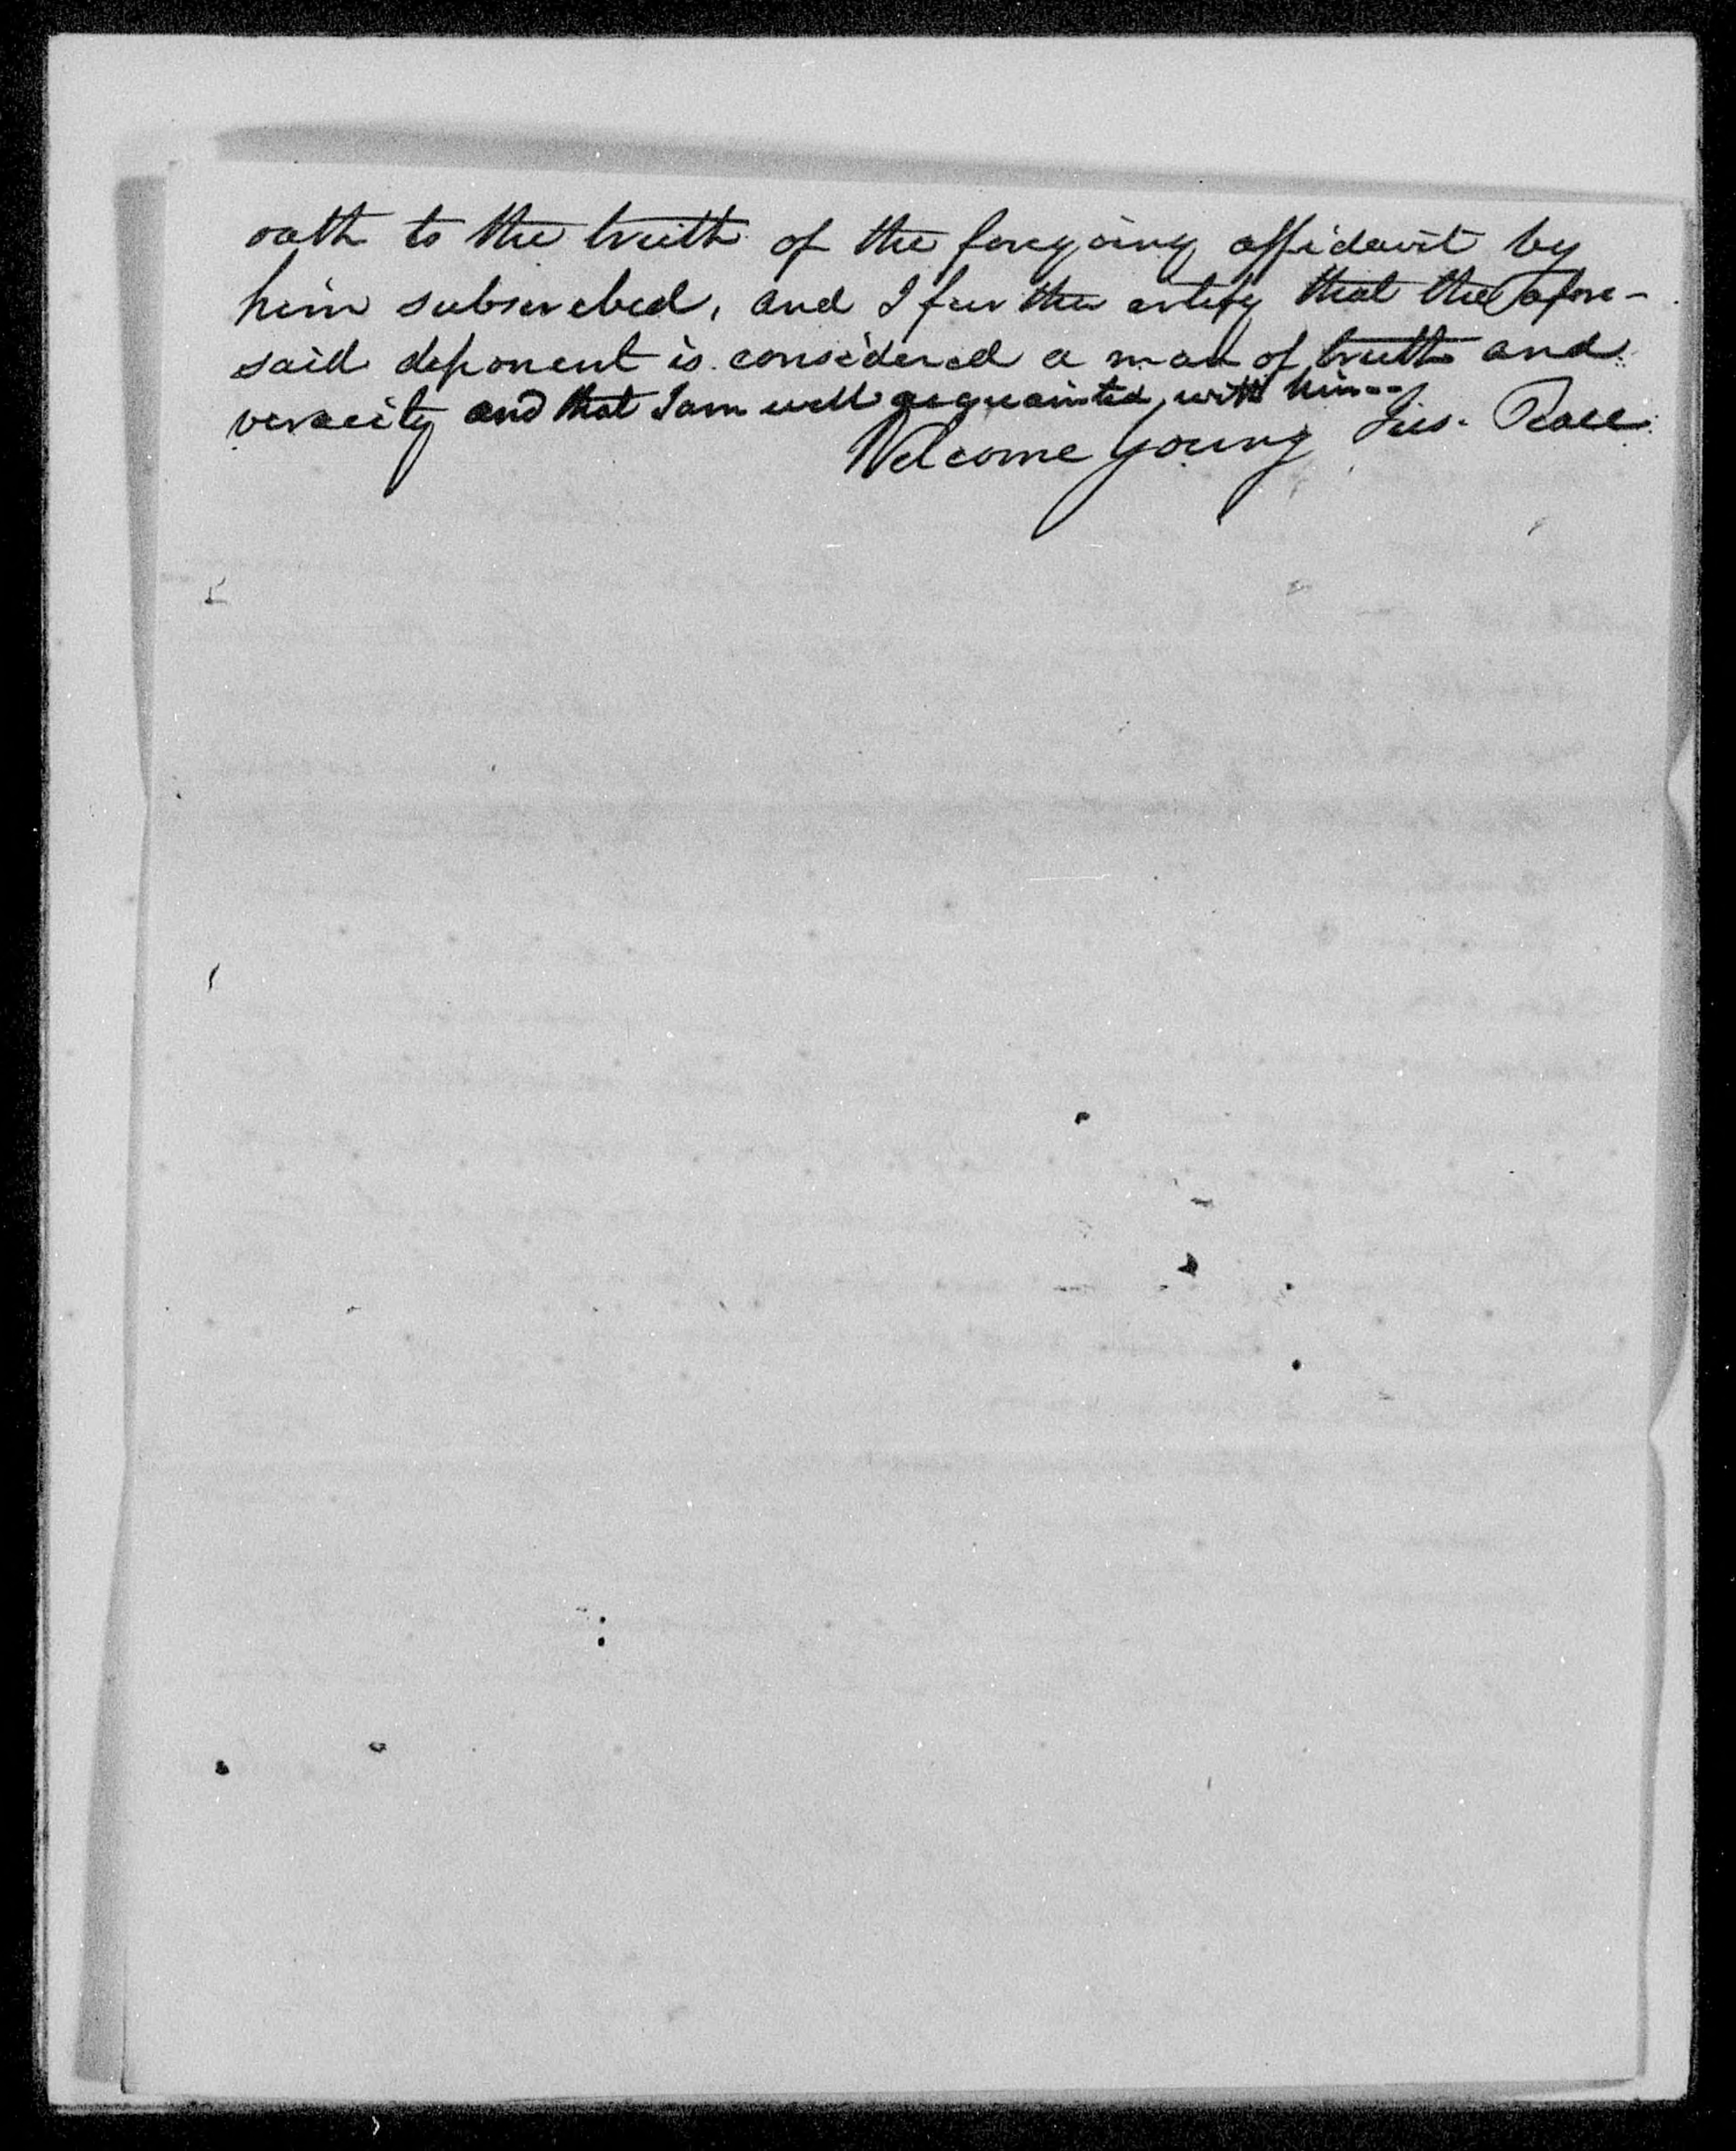oath to the truth of the foregoing affidavit by him subscribed, and I for the entity that the aforesaid deponent is considered a made of truth and veracity and that I am well acquainted with him.
Welcome Young, Justice Peace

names: Welcome Young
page: 41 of 47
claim: widow's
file: W. 14703, Elisha Faxon, Mass